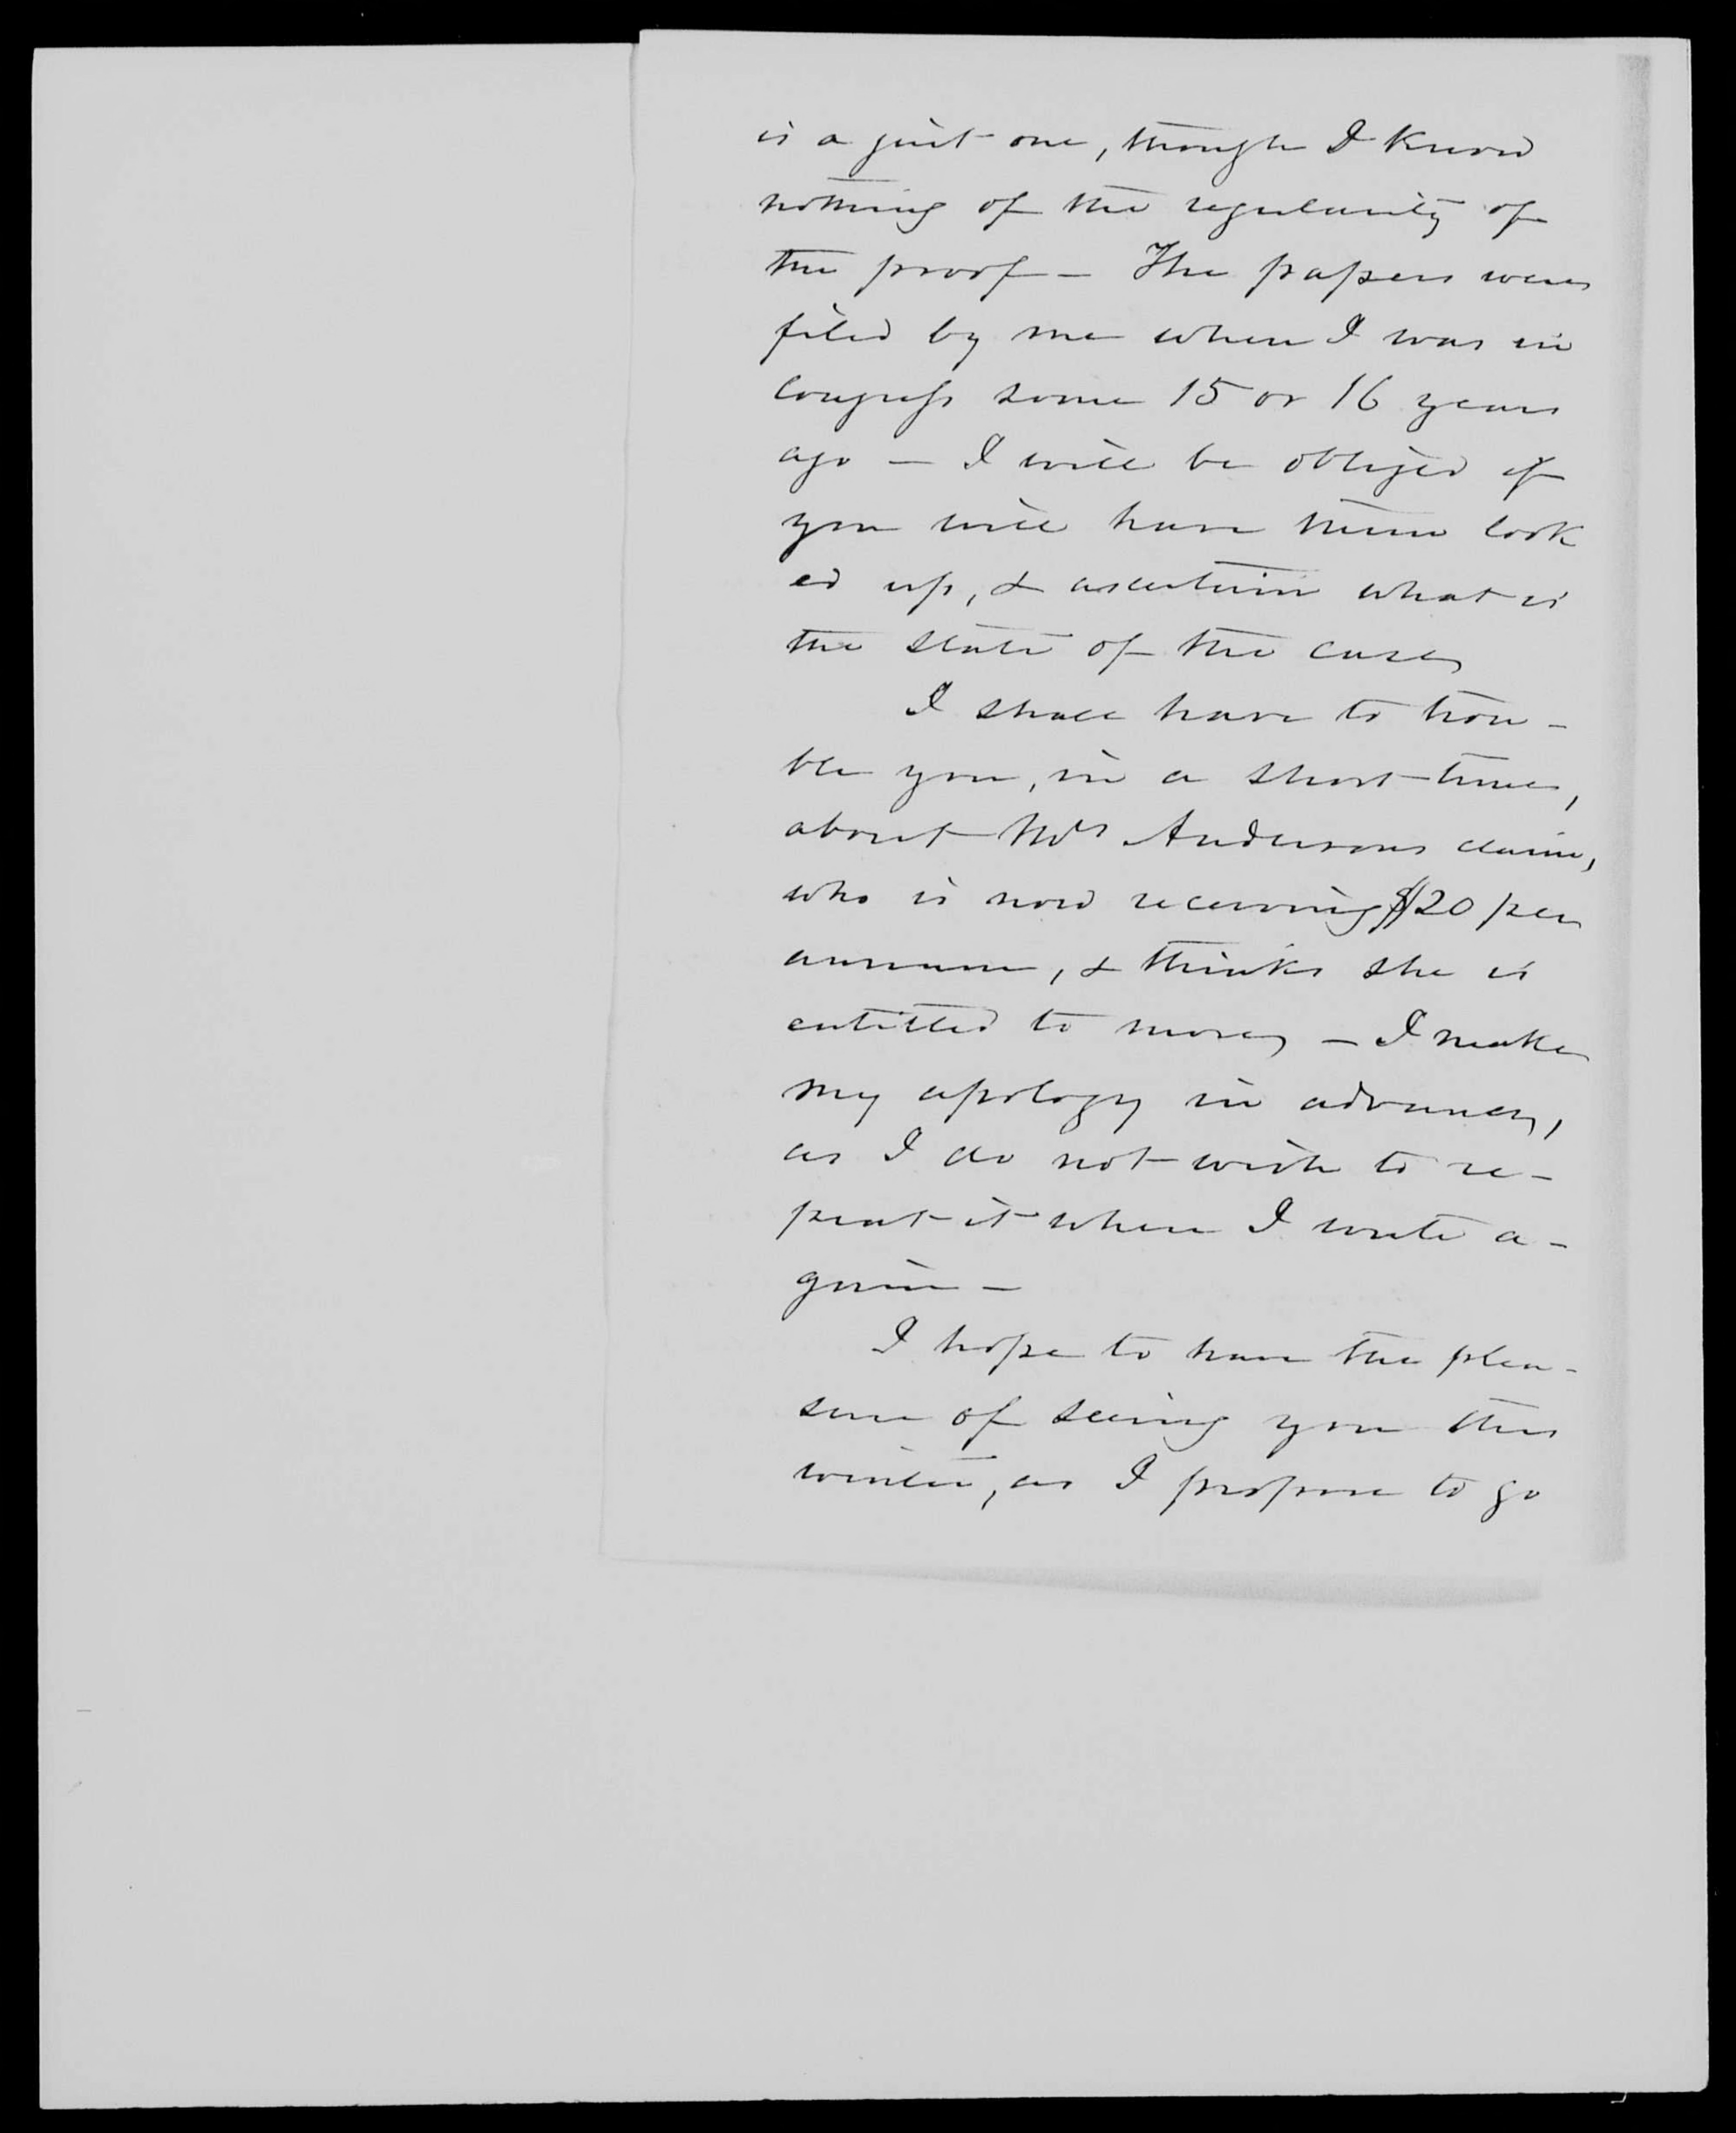is a just one, though I know nothing of the regularity of the proof_  The papers were filed by me when I was in Congress some 15 or 16 years ago_  I will be obliged if you will have them looked up, & ascertain what is the state of the case.
I shall have to trouble you, in a short time, about Mrs. Andersons claim, who is now receiving $20 per annum, & thinks she is entitled to more_  I make my apology in advance, as I do not wish to repeat it when I write again_
I hope to have the pleasure of seeing you this winter, as I propose to go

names: Anderson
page: 42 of 43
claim: widow's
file: W. 5,626, Nathan Anderson, Va.